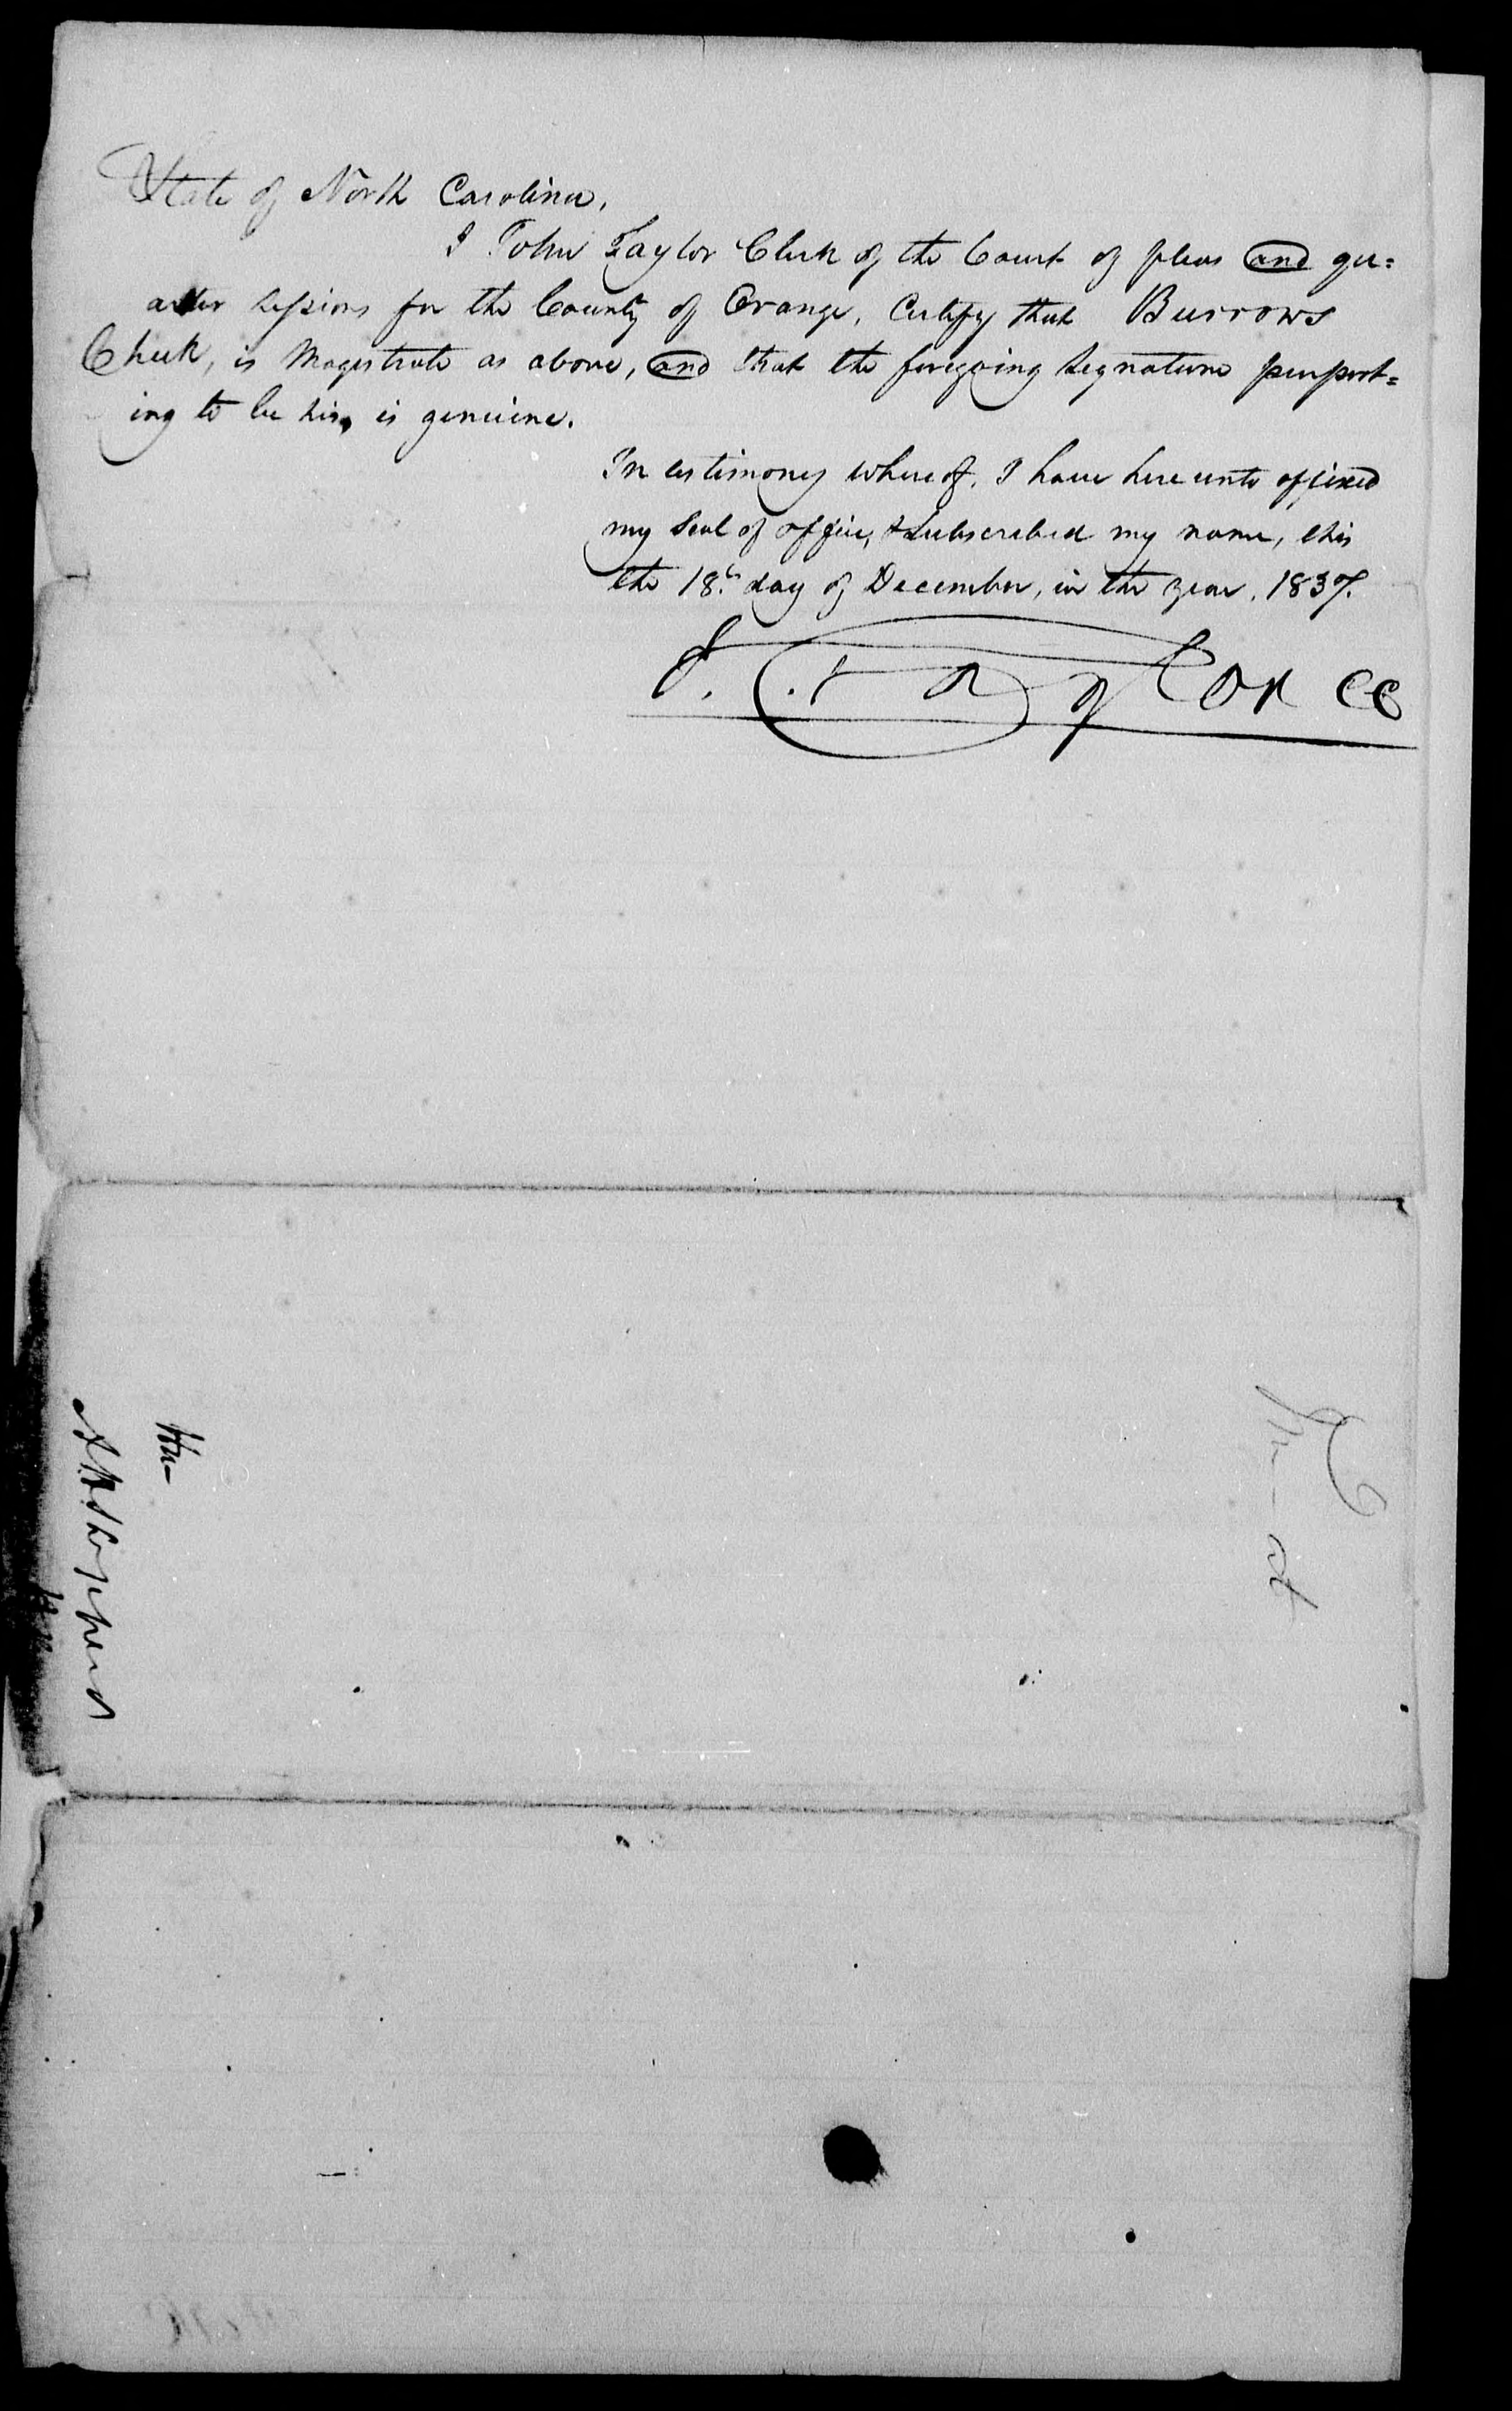[Handwritten record]

State of North Carolina, 
I John Taylor Clerk of the Court of pleas and quarter Sessions for the County of Orange, Certify that Burrows Chuh [or ?Cheeh or ?Chuk], is Magistrate as above, and that the foregoing Signature purporting to be his, is genuine.

In testimony where of, I have here unto affixed my Seal of office, and Subscribed my name, this the 18th. day of December, in the year, 1837.
J. Taylor CC [Clerk of Court] 

[About 2/3 down the left side of the page, there is written perpendicularly, in dark ink:]  Hon A B [or A R] Shepherd [or Shepperd] 
[with several hard-to-read letters at the bottom of the page which possibly were: ? H.R.____]

[On the right side of the page, near the bottom, in light ink, is what appears to be:] 
[illegible squiggle] 
M___at
[illegible]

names: John Taylor, J Cray Cox, Burrows Chuk, A H Shepperd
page: 11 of 145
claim: survivor's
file: S. 8265, William Cumming, N.C.